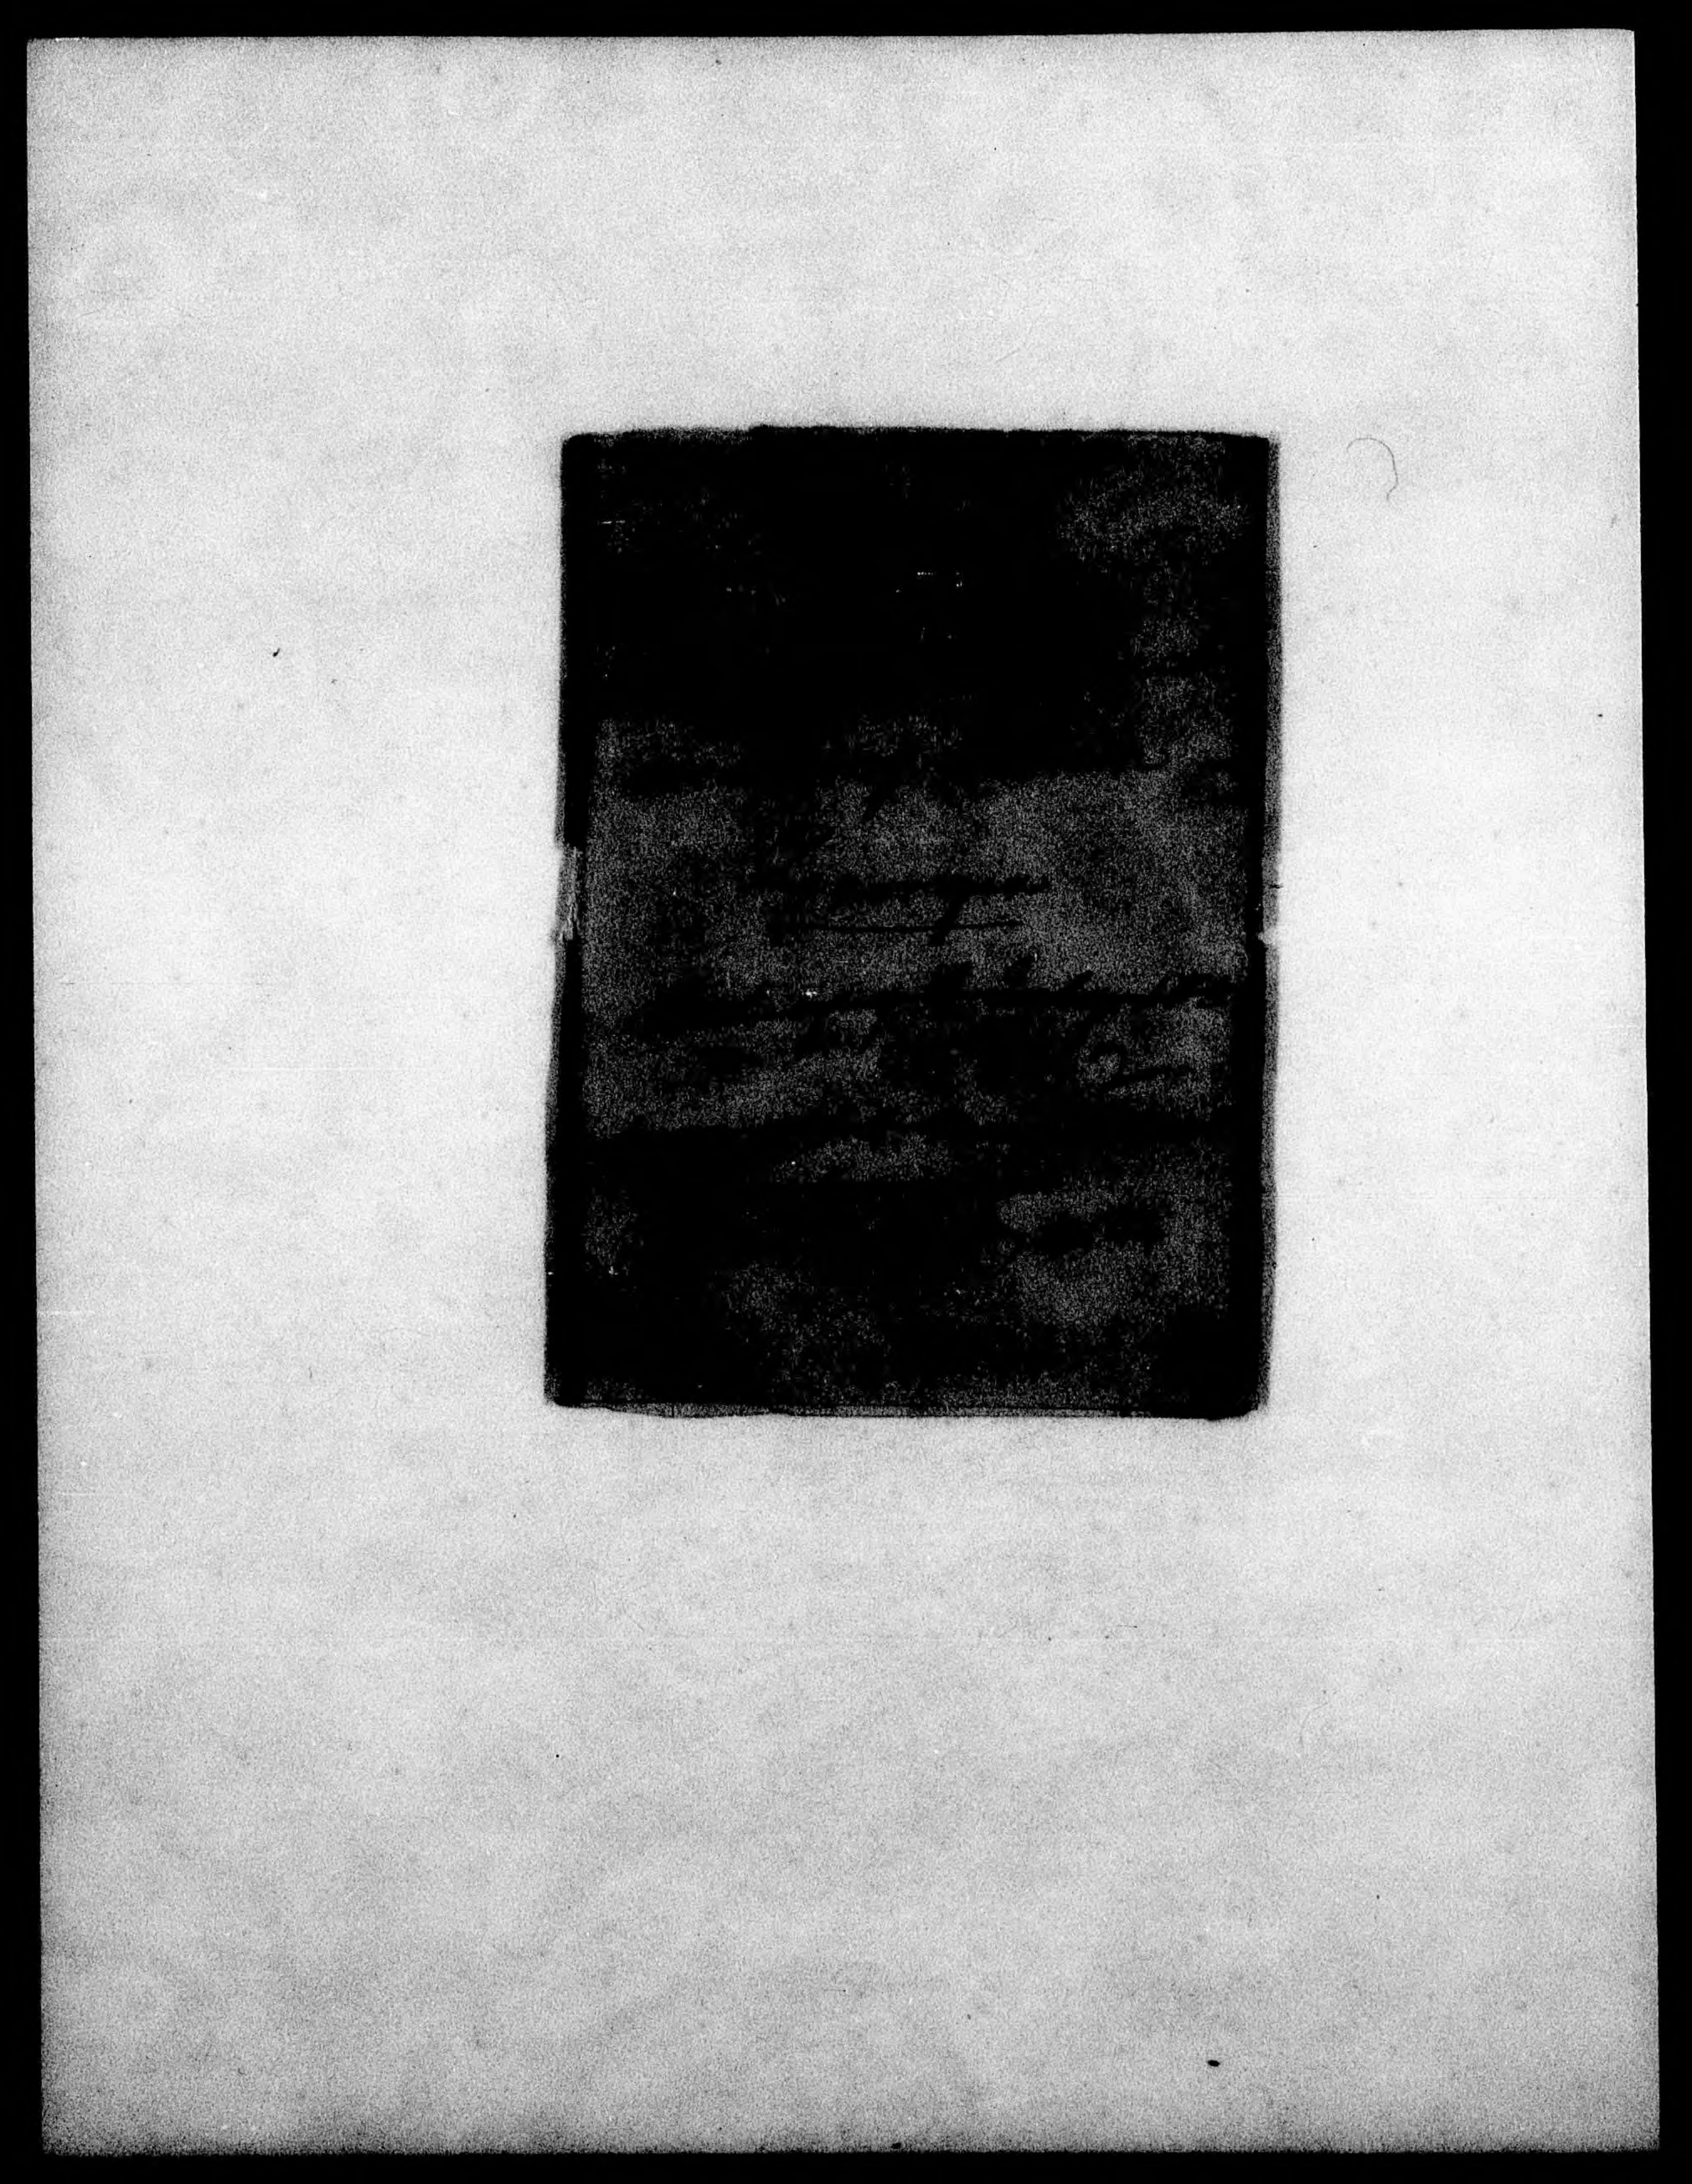[A very dark small page.  No words 
can be deciphered.]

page: 19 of 29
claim: rejected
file: R. 5862, for Isham Kendrick, North Carolina